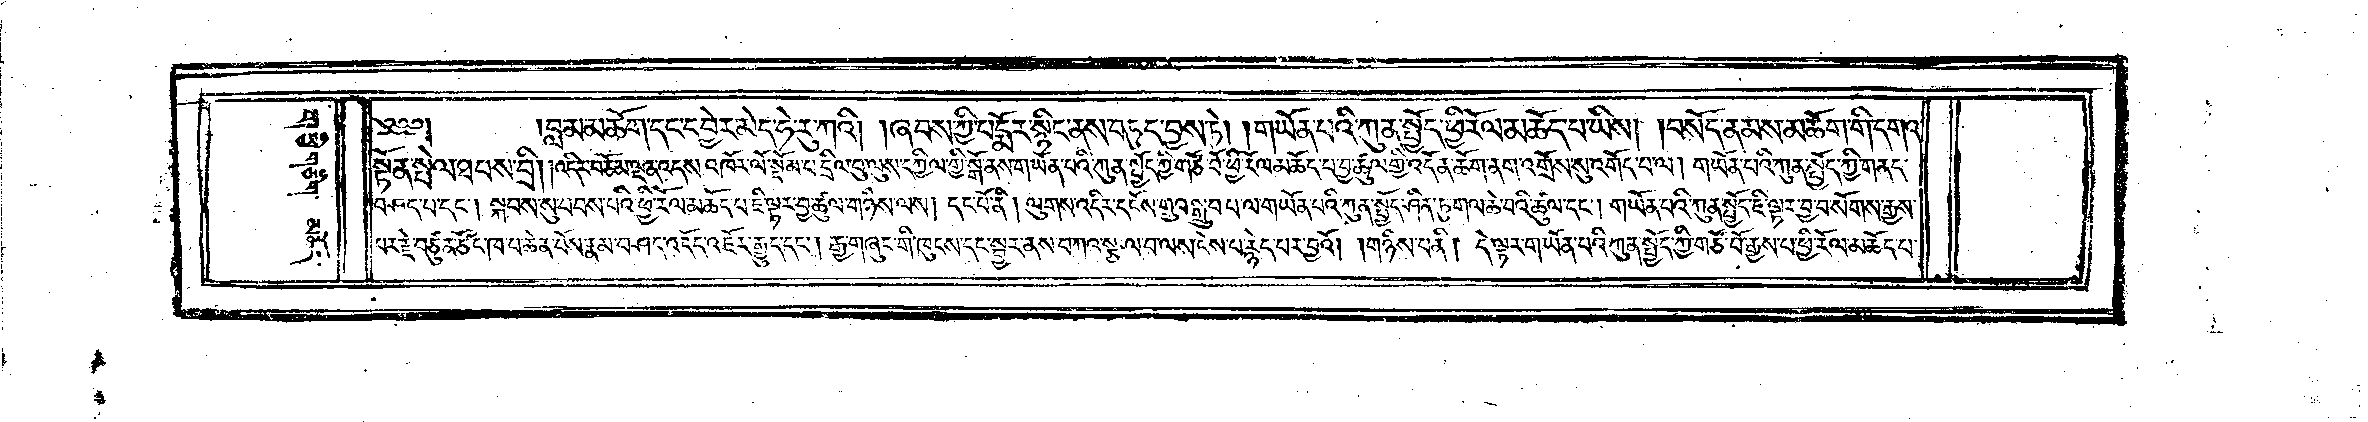༄༅༅། །བླ་མ་མཆོག་དང་དབྱེར་མེད་ཧེ་རུ་ཀའི། །ཞབས་ཀྱི་པདམོར་སྙིང་ནས་བཏུང་བྱས་ཏེ། །གཡོན་པའི་ཀུན་སྤྱོད་ཕྱི་རོལ་མཆོད་པ་ཡིས། །བསོད་ནམས་མཆོག་གི་དགའ་
སྟོན་སྤེལ་ཐབས་བྲི། །འདིར་བཅོམ་ལྡན་འདས་འཁོར་ལོ་སྡོམ་པ་དྲིལ་བུ་ལུས་དཀྱིལ་གྱི་སྒོ་ནས་གཡོན་པའི་ཀུན་སྤྱོད་ཀྱི་གཙོ་བོ་ཕྱི་རོལ་མཆོད་པ་བྱ་ཚུལ་གྱི་འདོན་ཆོག་ནག་འགྲོས་སུ་འགོད་པ་ལ། གཡོན་པའི་ཀུན་སྤྱོད་ཀྱི་གནད་
བཤད་པ་དང་། སྐབས་སུ་བབས་པའི་ཕྱི་རོལ་མཆོད་པ་ཇི་ལྟར་བྱ་ཚུལ་གཉིས་ལས། དང་པོ་ནི། ལུགས་འདིར་དངོས་གྲུབ་སྒྲུབ་པ་ལ་གཡོན་པའི་ཀུན་སྤྱོད་ཤིན་ཏུ་གལ་ཆེ་བའི་ཚུལ་དང་། གཡོན་པའི་ཀུན་སྤྱོད་ཇི་ལྟར་བྱ་བ་སོགས་རྒྱས་
པར་རྗེ་བཙུན་ཙོང་ཁ་པ་ཆེན་པོས་རྣམ་བཤད་འདོད་འཇོར་རྒྱུད་དང་། རྒྱ་གཞུང་གི་ཁུངས་དང་སྦྱར་ནས་བཀའ་སྩལ་བ་ལས་ངེས་པ་རྙེད་པར་བྱའོ། །གཉིས་པ་ནི། དེ་ལྟར་གཡོན་པའི་ཀུན་སྤྱོད་ཀྱི་གཙོ་བོ་རྒྱས་པ་ཕྱི་རོལ་མཆོད་པ་